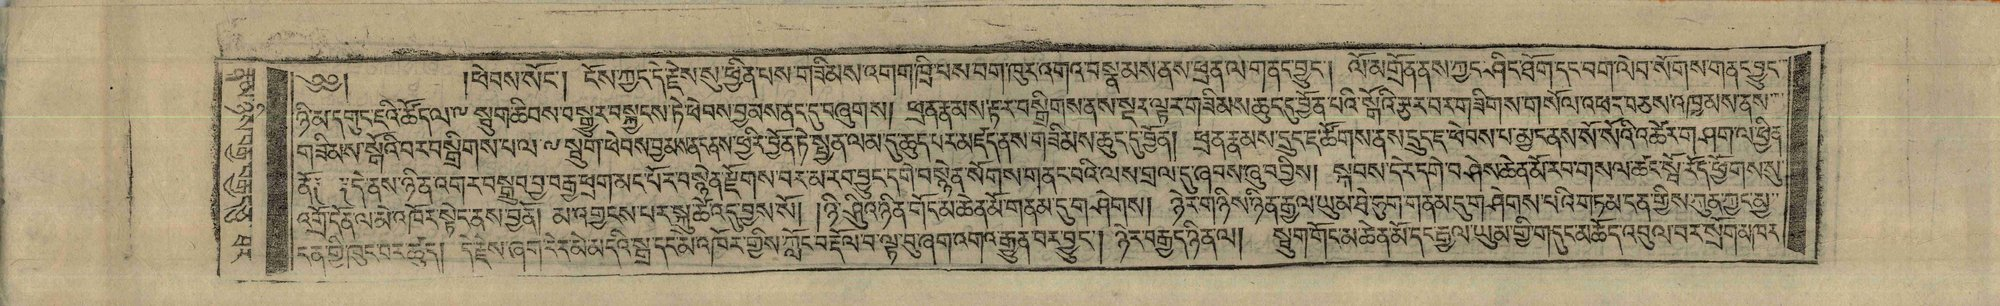༄༅། །ཕེབས་སོང་། ངོས་ཀྱང་དེ་རྗེས་སུ་ཕྱིན་པས་གཟིམས་འགག་ཁྲི་པས་བག་ཁུར་འགའ་བསྣམས་ནས་ཕྲན་ལ་གནང་བྱུང་། ལོ་མགྲོན་ནས་ཀྱང་ཤིང་ཐོག་དང་བག་ལེབ་སོགས་གནང་བྱུང་
ཉི་མ་དགུང་ཇའི་ཚོད་ལ་༧སྦུག་ཆིབས་བསྒྱུར་བསྐྱངས་ཏེ་ཕེབས་བྱམས་ནང་དུ་བཞུགས། ཕྲན་རྣམས་རྟར་བསྒྲིགས་ནས་སྔར་ལྟར་གཟིམས་ཆུང་དུ་བྱོན་པའི་སྒོའི་རྩར་བར་གཟིགས་གསོལ་འཕར་བཅས་འཁྱམས་ནས་
གཟིམས་སྒོའི་བར་བསྒྲིགས་པ་ལ་༧སྦུག་ཕེབས་བྱམས་ནང་ནས་ཕྱིར་བྱོན་ཏེ་སྤྱན་ལམ་དུ་ཆུད་པར་མཛད་ནས་གཟིམས་ཆུང་དུ་བྱོན། ཕྲན་རྣམས་དྲུང་ཇ་ཚོགས་ནས་དྲུང་ཇ་ཕེབས་པ་མྱང་ནས་སོ་སོའི་འཚེར་གཤག་ལ་ཕྱིན་
ནོ། །དེ་ནས་ཉིན་འགར་བསྒྲུབ་བྱ་བརྒྱ་ཕྲག་མང་པོར་བསྙེན་རྫོགས་པར་མ་རབ་བྱུང་དགེ་བསྙེན་སོགས་གནང་བའི་ལས་གྲལ་དུ་ཞབས་ཞུ་བགྱིས། སྐབས་དེར་དགེ་བཤེས་ཆེན་མོ་རབ་གསལ་ཚང་སྦོ་རོད་ཕྱོགས་སུ་
འགྲོ་དོན་ལ་མེ་འཁོར་སྟེང་ནས་བྱོན། མ་འབྱངས་པར་སྐུ་ཚེ་འདུ་བྱས་སོ། །ཉི་ཤུའི་ཉིན་གོང་མ་ཆེན་མོ་གནམ་དུ་གཤེགས། ཉེར་གཉིས་ཉིན་རྒྱལ་ཡུམ་ཐེ་ཧུག་གནམ་དུ་གཤེགས་པའི་གཏམ་ངན་གྱིས་ཀུན་ཀྱང་མྱ་
ངན་གྱི་ཁུང་བར་ཚུད། དེ་རྗེས་ཞག་རེར་མེ་མདའི་སྒྲ་དང་མེ་འཁོར་གྱིས་ཀློང་བརྡོལ་བ་ལྟ་བུ་ཞག་འགའ་རྒྱུན་བར་བྱུང་། ཉེར་བརྒྱད་ཉིན་ལ། སྦུག་གོང་མ་ཆེན་མོ་དང་རྒྱལ་ཡུམ་གྱི་གདུང་མཆོད་འབུལ་བར་སྲོག་མཁར་